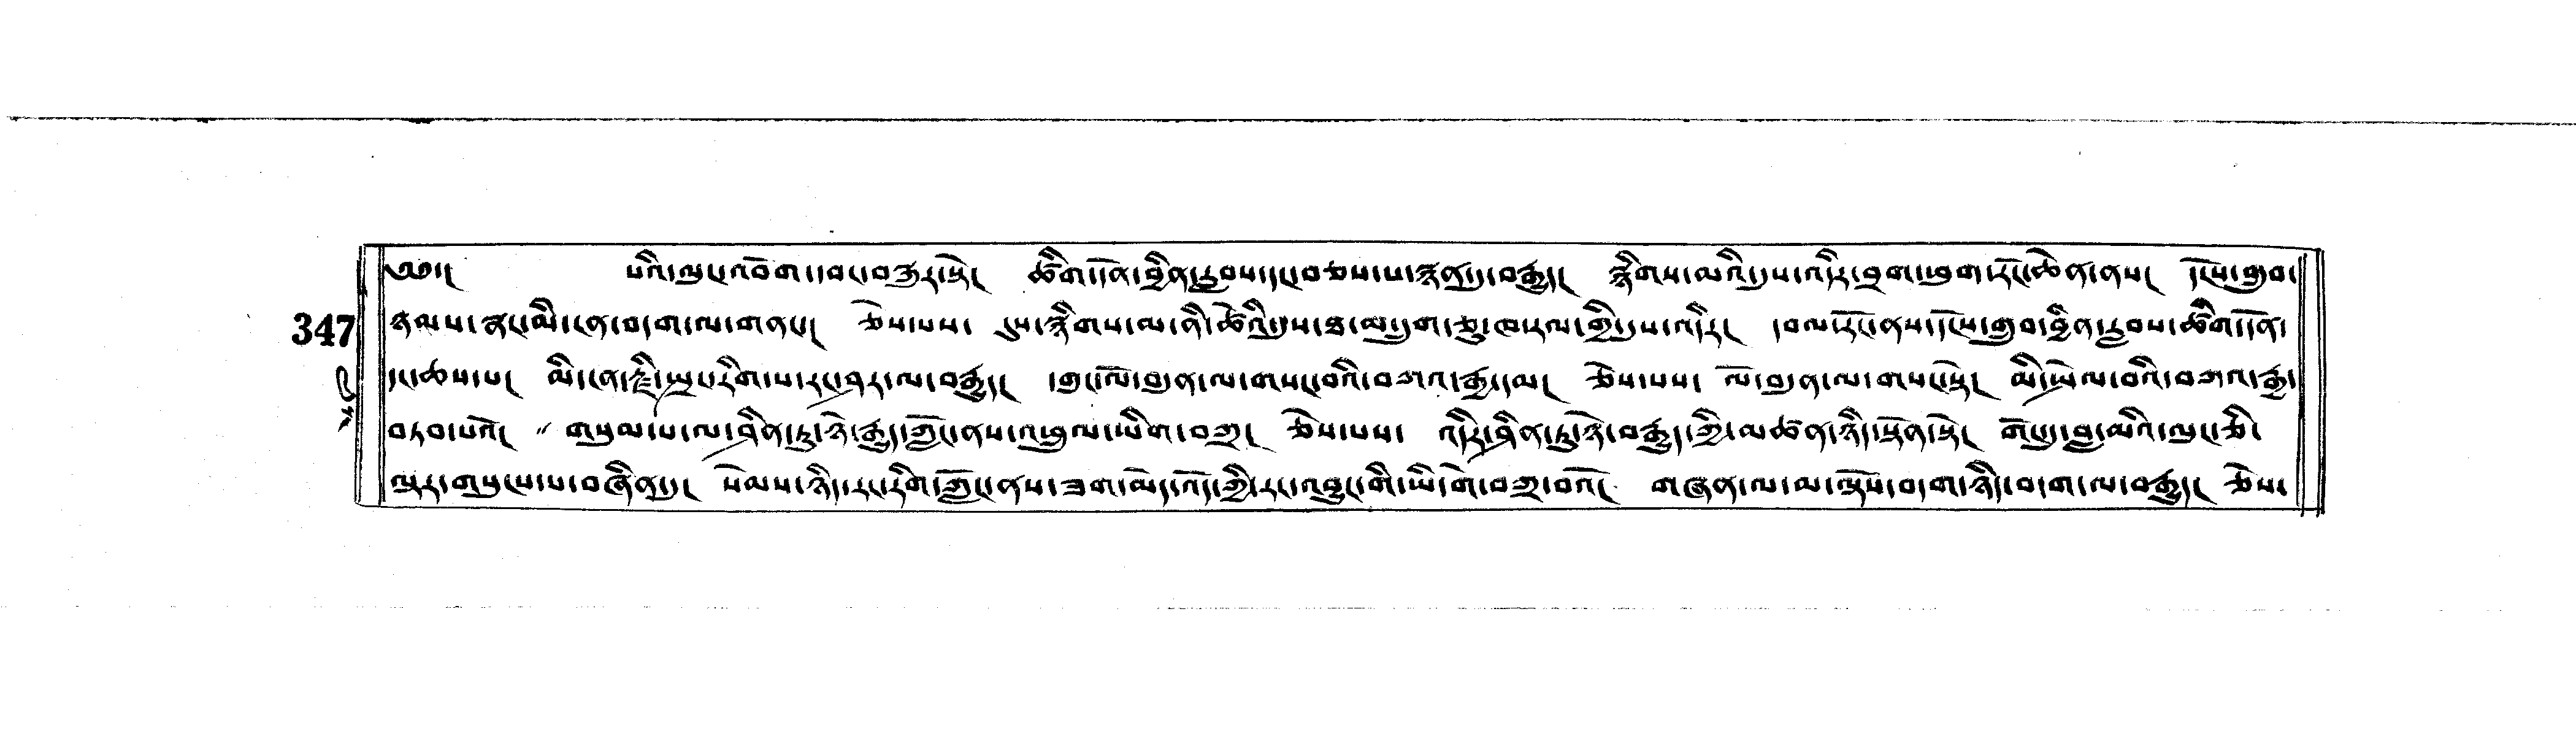པའི་ལུང་འབོག་དབང་བསྐུར་ཏེ། ཚིག་དོན་བྱིན་རླབས་དང་བཅས་པ་སྙན་དུ་བརྒྱུད། སྙིགས་མའི་དུས་འདིར་བྲག་ཕུག་རོང་ཆེན་ནས། དངོས་གྲུབ་
ཉམས་སྣང་མི་ངན་བདག་ལ་གནང་། ཅེས་པས། དུས་སྙིགས་མ་ནི་ཚེའི་དུས་སྙིགས་མ་ནི་དྲུག་ཅུ་ཁ་རལ་གྱི་དུས་འདིར། དབལ་རོང་ནས་དངོས་གྲུབ་བྱིན་རླབས་ཚིག་དོན་
དང་ཆས་པ་མི་ངན་རྫི་སྤྲང་རིག་པ་རང་ཤར་ལ་བརྒྱུད། དགུང་ལོ་བདུན་ལ་གསང་བའི་བཀའ་རྒྱ་དམ། ཅེས་པས། ལོ་བདུན་ལ་གསང་སྟེ། མི་སྤེལ་བའི་བཀའ་རྒྱ་
བཏབ་པའོ། ༧ གསུམ་པ་ལ་ཤིན་ཏུ་ཉེ་རྒྱུད་ཀློང་ནས་འཕྲུལ་ཡིག་བཀྲ། ཅེས་པས། འདིར་ཤིན་ཏུ་ཉེ་རྒྱུད་ཀྱི་མཚན་ཉིད་སྟོན་ཏེ། གོང་དུ་བླ་མའི་ལུང་ཅི་
ལྟར་གསུངས་པ་བཞིན་དུ། སེམས་ཉིད་རང་རིག་ཀློང་ནས་ཟག་མེད་རང་འོད་ཀྱི་རང་འབྱུང་གི་ཡི་གེ་བཀྲ་བའོ། གཞན་ལ་མ་ལྟོས་བདག་ཉིད་བདག་ལ་བརྒྱུད། ཅེས་